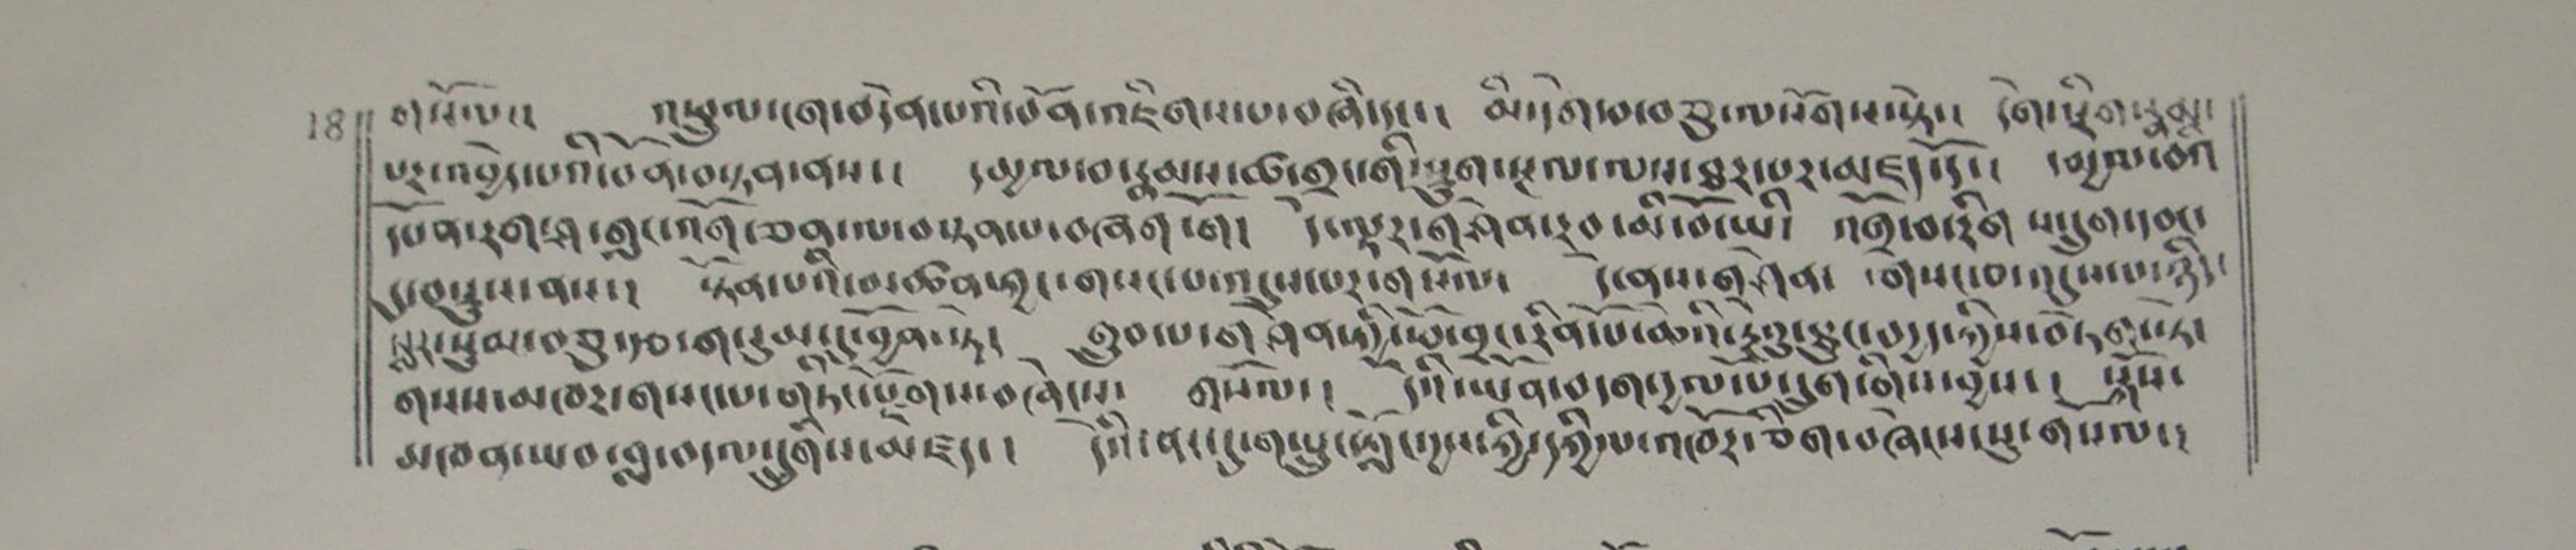གསོལ་ལོ། །འཕྲུལ་ངག་བདེན་པའི་བོན་འཇིགས་པ་བཞི་དང་། མི་དགེ་བ་བཅུ་ལ་སོགས་ཏེ། དགེ་སྡིག་རྣམ་
པར་འབྱེད་པའི་བོན་བསྟན་ནས། དམྱལ་བ་རྣམས་ཚ་གྲང་གི་སྡུག་བསྔལ་ལས་ཐར་བར་མཛད་དོ། །དམྱལ་བའི་
དཔོན་རགྴ་གླང་མགོ་ཅན་ལ་བསྟན་པ་བཞག་གོ །དེ་ལྟར་གཤེན་རབ་མི་བོ་ཡིས། འགྲོ་བ་རིགས་དྲུག་དབང་
དུ་བསྡུས་ནས། སྟོན་པའི་མཚན་ཀྱང་གསང་བ་འདུས་བར་གསོལ། །དེ་ནས་གཤེན་གསང་བ་འདུས་བ་ཉིད་
སླར་སུམ་བཅུ་རྩ་གསུམ་དུ་བྱོན་ཏེ། གྲུབ་པ་གཤེན་གྱི་ཕོ་བྲང་རིན་པོ་ཆེའི་རྔེའུ་ཐུང་བརྒྱད་ཀྱིས་བཏེགས་ཏེ། 
གསས་མཁར་གསང་བ་གཏིང་རྫོགས་སུ་བཞེངས་སུ་གསོལ། དེའི་ཡོན་བདག་རྒྱལ་བོ་དྲུག་གིས་བྱས། སྐོས་
མཁན་ནི་ཡབ་བླ་བདལ་དྲུག་གིས་མཛད། དེའི་ནང་དུ་གཡུང་དྲུང་ཀློང་རྒྱས་ཀྱི་དཀྱིལ་འཁོར་གཅིག་བཞེངས་སུ་གསོལ།